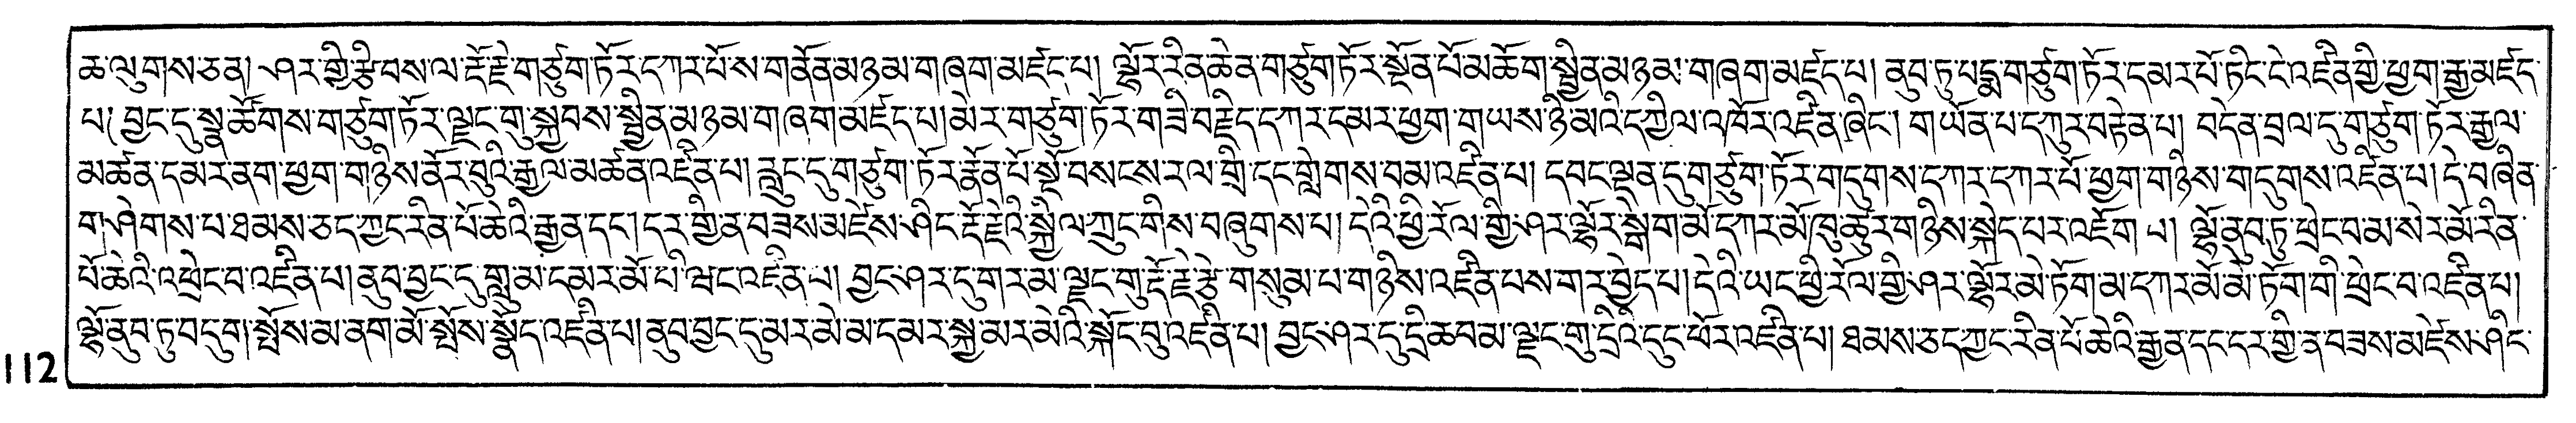ཆ་ལུགས་ཅན། ཤར་གྱི་རྩིབས་ལ་རྡོ་རྗེ་གཙུག་ཏོར་དཀར་པོ་ས་གནོན་མཉམ་གཞག་མཛད་པ། ལྷོར་རིན་ཆེན་གཙུག་ཏོར་སྔོན་པོ་མཆོག་སྦྱིན་མཉམ་གཞག་མཛད་པ། ནུབ་ཏུ་པདམ་གཙུག་ཏོར་དམར་པོ་ཏིང་ངེ་འཛིན་གྱི་ཕྱག་རྒྱ་མཛད་
པ༑ བྱང་དུ་སྣ་ཚོགས་གཙུག་ཏོར་ལྗང་གུ་སྐྱབས་སྦྱིན་མཉམ་གཞག་མཛད་པ། མེར་གཙུག་ཏོར་གཟི་བརྗིད་དཀར་དམར་ཕྱག་གཡས་ཉི་མའི་དཀྱིལ་འཁོར་འཛིན་ཞིང་། གཡོན་པ་དཀུར་བརྟེན་པ། བདེན་བྲལ་དུ་གཙུག་ཏོར་རྒྱལ་
མཚན་དམར་ནག་ཕྱག་གཉིས་ནོར་བུའི་རྒྱལ་མཚན་འཛིན་པ། རླུང་དུ་གཙུག་ཏོར་རྣོན་པོ་སྔོ་བསངས་རལ་གྲི་དང་གླེགས་བམ་འཛིན་པ། དབང་ལྡན་དུ་གཙུག་ཏོར་གདུགས་དཀར་དཀར་པོ་ཕྱག་གཉིས་གདུགས་འཛིན་པ། དེ་བཞིན་
གཤེགས་པ་ཐམས་ཅད་ཀྱང་རིན་པོ་ཆེའི་རྒྱན་དང་། དར་གྱི་ན་བཟས་མཛེས་ཤིང་རྡོ་རྗེའི་སྐྱིལ་ཀྲུང་གིས་བཞུགས་པ། དེའི་ཕྱི་རོལ་གྱི་ཤར་ལྷོར་སྒེག་མོ་དཀར་མོ་ཁུ་ཚུར་གཉིས་སྐེད་པར་འཇོག་པ། ལྷོ་ནུབ་ཏུ་ཕྲེང་བ་མ་སེར་མོ་རིན་
པོ་ཆེའི་འཕྲེང་བ་འཛིན་པ། ནུབ་བྱང་དུ་གླུ་མ་དམར་མོ་པི་ཝང་འཛིན་པ། བྱང་ཤར་དུ་གར་མ་ལྗང་གུ་རྡོ་རྗེ་རྩེ་གསུམ་པ་གཉིས་འཛིན་པས་གར་བྱེད་པ། དེའི་ཡང་ཕྱི་རོལ་གྱི་ཤར་ལྷོར་མེ་ཏོག་མ་དཀར་མོ་མེ་ཏོག་གི་ཕྲེང་བ་འཛིན་པ།
ལྷོ་ནུབ་ཏུ་བདུག་སྤོས་མ་ནག་མོ་སྤོས་སྣོད་འཛིན་པ། ནུབ་བྱང་དུ་མར་མེ་མ་དམར་སྐྱ་མར་མེའི་སྐོང་བུ་འཛིན་པ། བྱང་ཤར་དུ་དྲི་ཆབ་མ་ལྗང་གུ་དྲིའི་དུང་ཕོར་འཛིན་པ། ཐམས་ཅད་ཀྱང་རིན་པོ་ཆེའི་རྒྱན་དང་དར་གྱི་ན་བཟས་མཛེས་ཤིང་